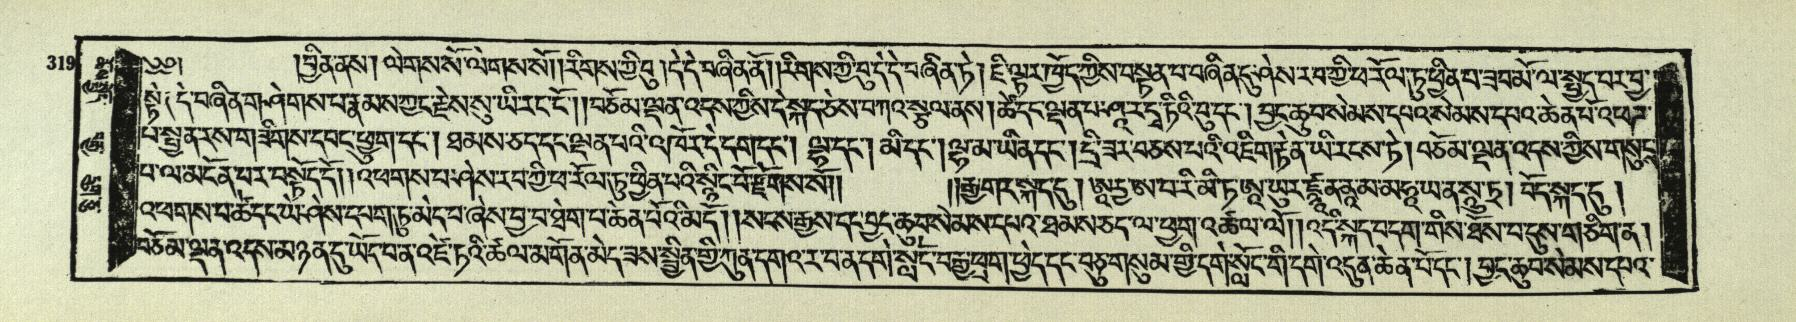༄༅། །བྱིན་ནས། ལེགས་སོ་ལེགས་སོ། །རིགས་ཀྱི་བུ། དེ་དེ་བཞིན་ནོ། །རིགས་ཀྱི་བུ་དེ་དེ་བཞིན་ཏེ། ཇི་ལྟར་ཁྱོད་ཀྱིས་བསྟན་པ་བཞིན་དུ་ཤེས་རབ་ཀྱི་ཕ་རོལ་ཏུ་ཕྱིན་པ་ཟབ་མོ་ལ་སྤྱད་པར་བྱ་
སྟེ༑ དེ་བཞིན་གཤེགས་པ་རྣམས་ཀྱང་རྗེས་སུ་ཡི་རང་ངོ། བཅོམ་ལྡན་པ་ཤཱ་ར་དྭ་ཏིའི་བུ་དང་། བྱང་ཆུབ་སེམས་དཔའ་སེམས་དཔའ་ཆེན་པོ་འཕཊ་
པ་སྤྱན་རས་གཟིགས་དབང་ཕྱུག་དང་། ཐམས་ཅད་དང་ལྡན་པའི་འཁོར་དེ་དག་དང་། ལྷ་དང་། མི་དང་། ལྷ་མ་ཡིན་དང་། དྲི་ཟར་བཅས་པའི་འཇིག་རྟེན་ཡི་རངས་ཏེ། བཅོམ་ལྡན་འདས་ཀྱིས་གསུངས་
པ་ལ་མངོན་པར་བསྟོད་དོ། །འཕགས་པ་ཤེས་རབ་ཀྱི་ཕ་རོལ་ཏུ་ཕྱིན་པའི་སྙིང་པོ་རྫོགས་སོ།། །།རྒྱ་གར་སྐད་དུ། ཨའྲྱ་ཨ་པ་རི་མི་ཏ་ཨཱ་ཡུར་ཛྙཱ་ན་ནཱ་མ་མྷཱ་ཡ་ན་སཱུ་ཏྲ། བོད་སྐད་དུ།
འཕགས་པ་ཚེ་དང་ཡེ་ཤེས་དཔག་ཏུ་མེད་པ་ཞེས་བྱ་བ་ཐེག་པ་ཆེན་པོའི་མདོ། །སངས་རྒྱས་དང་བྱང་ཆུབ་སེམས་དཔའ་ཐམས་ཅད་ལ་ཕྱག་འཚལ་ལོ། །འདི་སྐད་བདག་གིས་ཐོས་པ་དུས་གཅིག་ན།
བཅོམ་ལྡན་འདས་མཉན་དུ་ཡོད་པ་ན་འཛེ་ཏའི་ཚལ་མགོན་མེད་ཟས་སྦྱིན་གྱི་ཀུན་དགའ་ར་བ་ན་དགེ་སློང་བརྒྱ་ཕྲག་ཕྱེད་དང་བདེ་གསུམ་གྱི་དགེ་སློང་གི་དགེ་འདུན་ཆེན་པོ་དང་། བྱང་ཆུབ་སེམས་དཔའ་